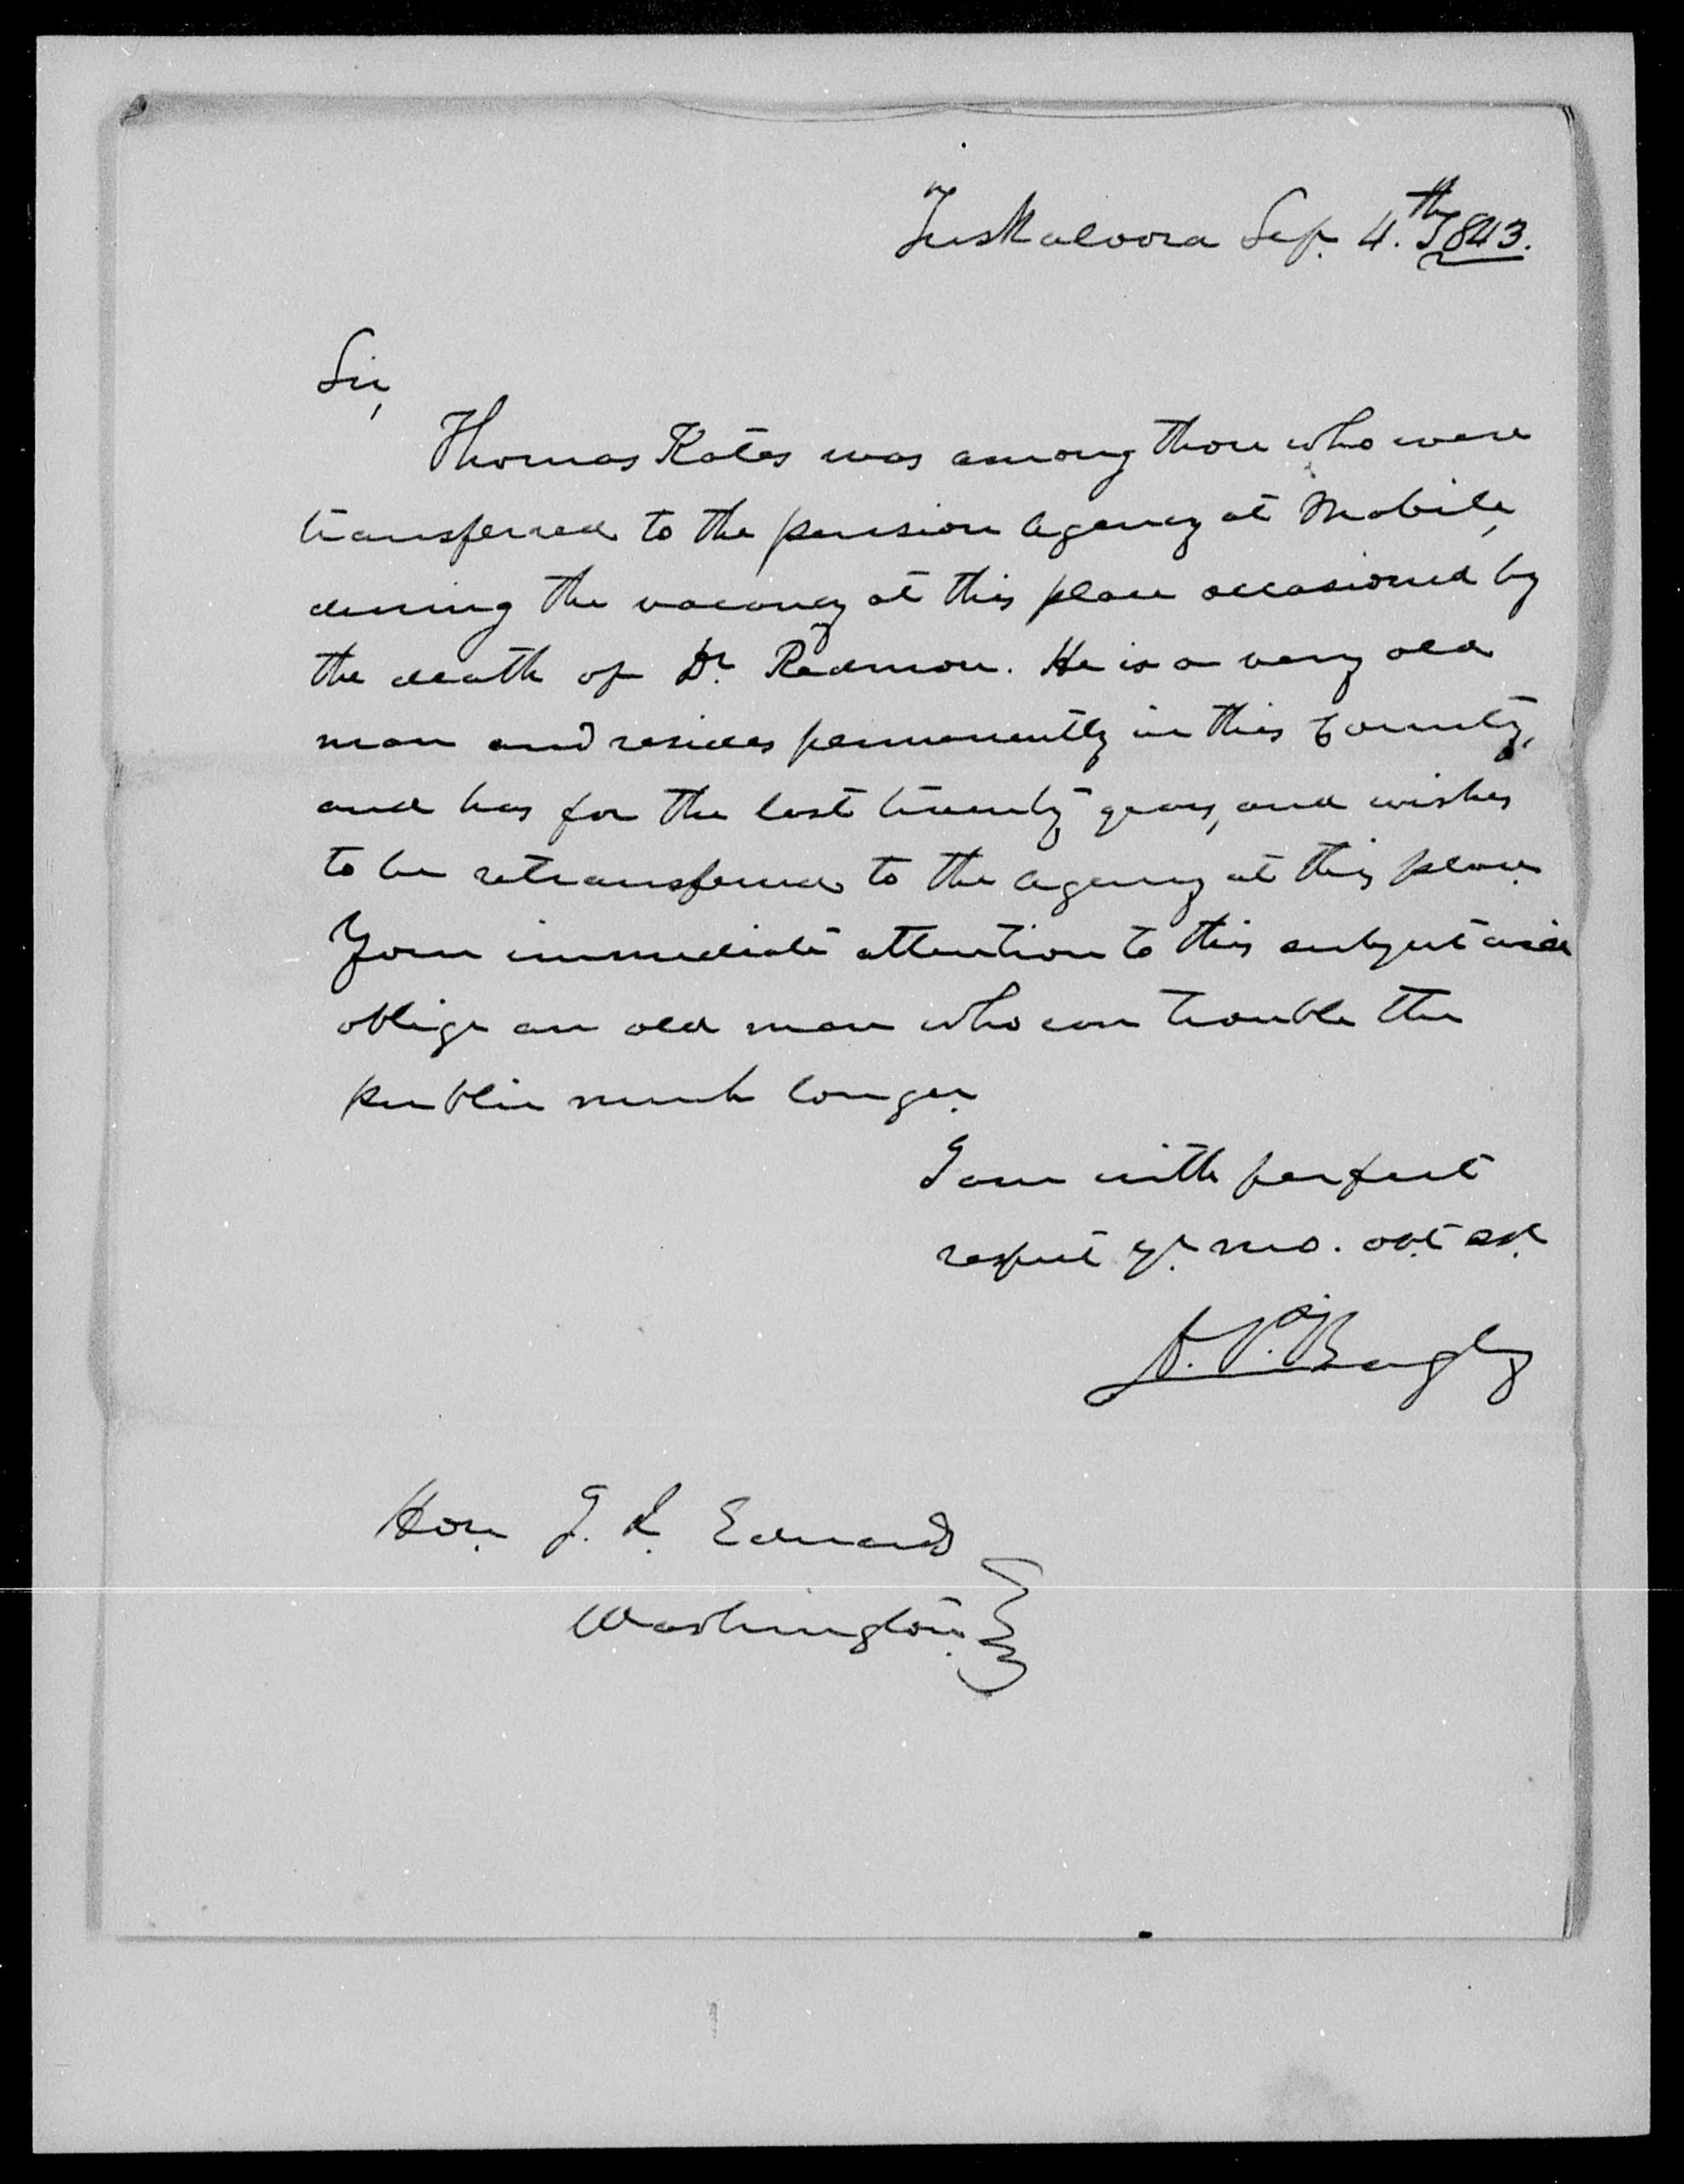Tuskaloosa Sep. 4 1843.

Sir,
Thomas Kates was among those who were
transferred to the pension agency at Mobile
during the vacancy at this place occasioned by
the death of Dr Redmon.  He is a very old
man and resides permanently in this county,
and has for the last twenty years, and wishes
to be retransferred to the agency at this place
and your immediate attention to this subject aside
oblige an old man who can trouble the
[illegible] much longer.
I am with perfect
[illegible] yr. mo. obt. svt.
(signature of D. V Bagly)

Hon J. L Edward
Washington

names: Thomas Kates; A P Bagby; [BLANK] Redmon; J L Edwards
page: 19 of 25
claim: survivor's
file: S. 38109, for Thomas Keates, Maryland